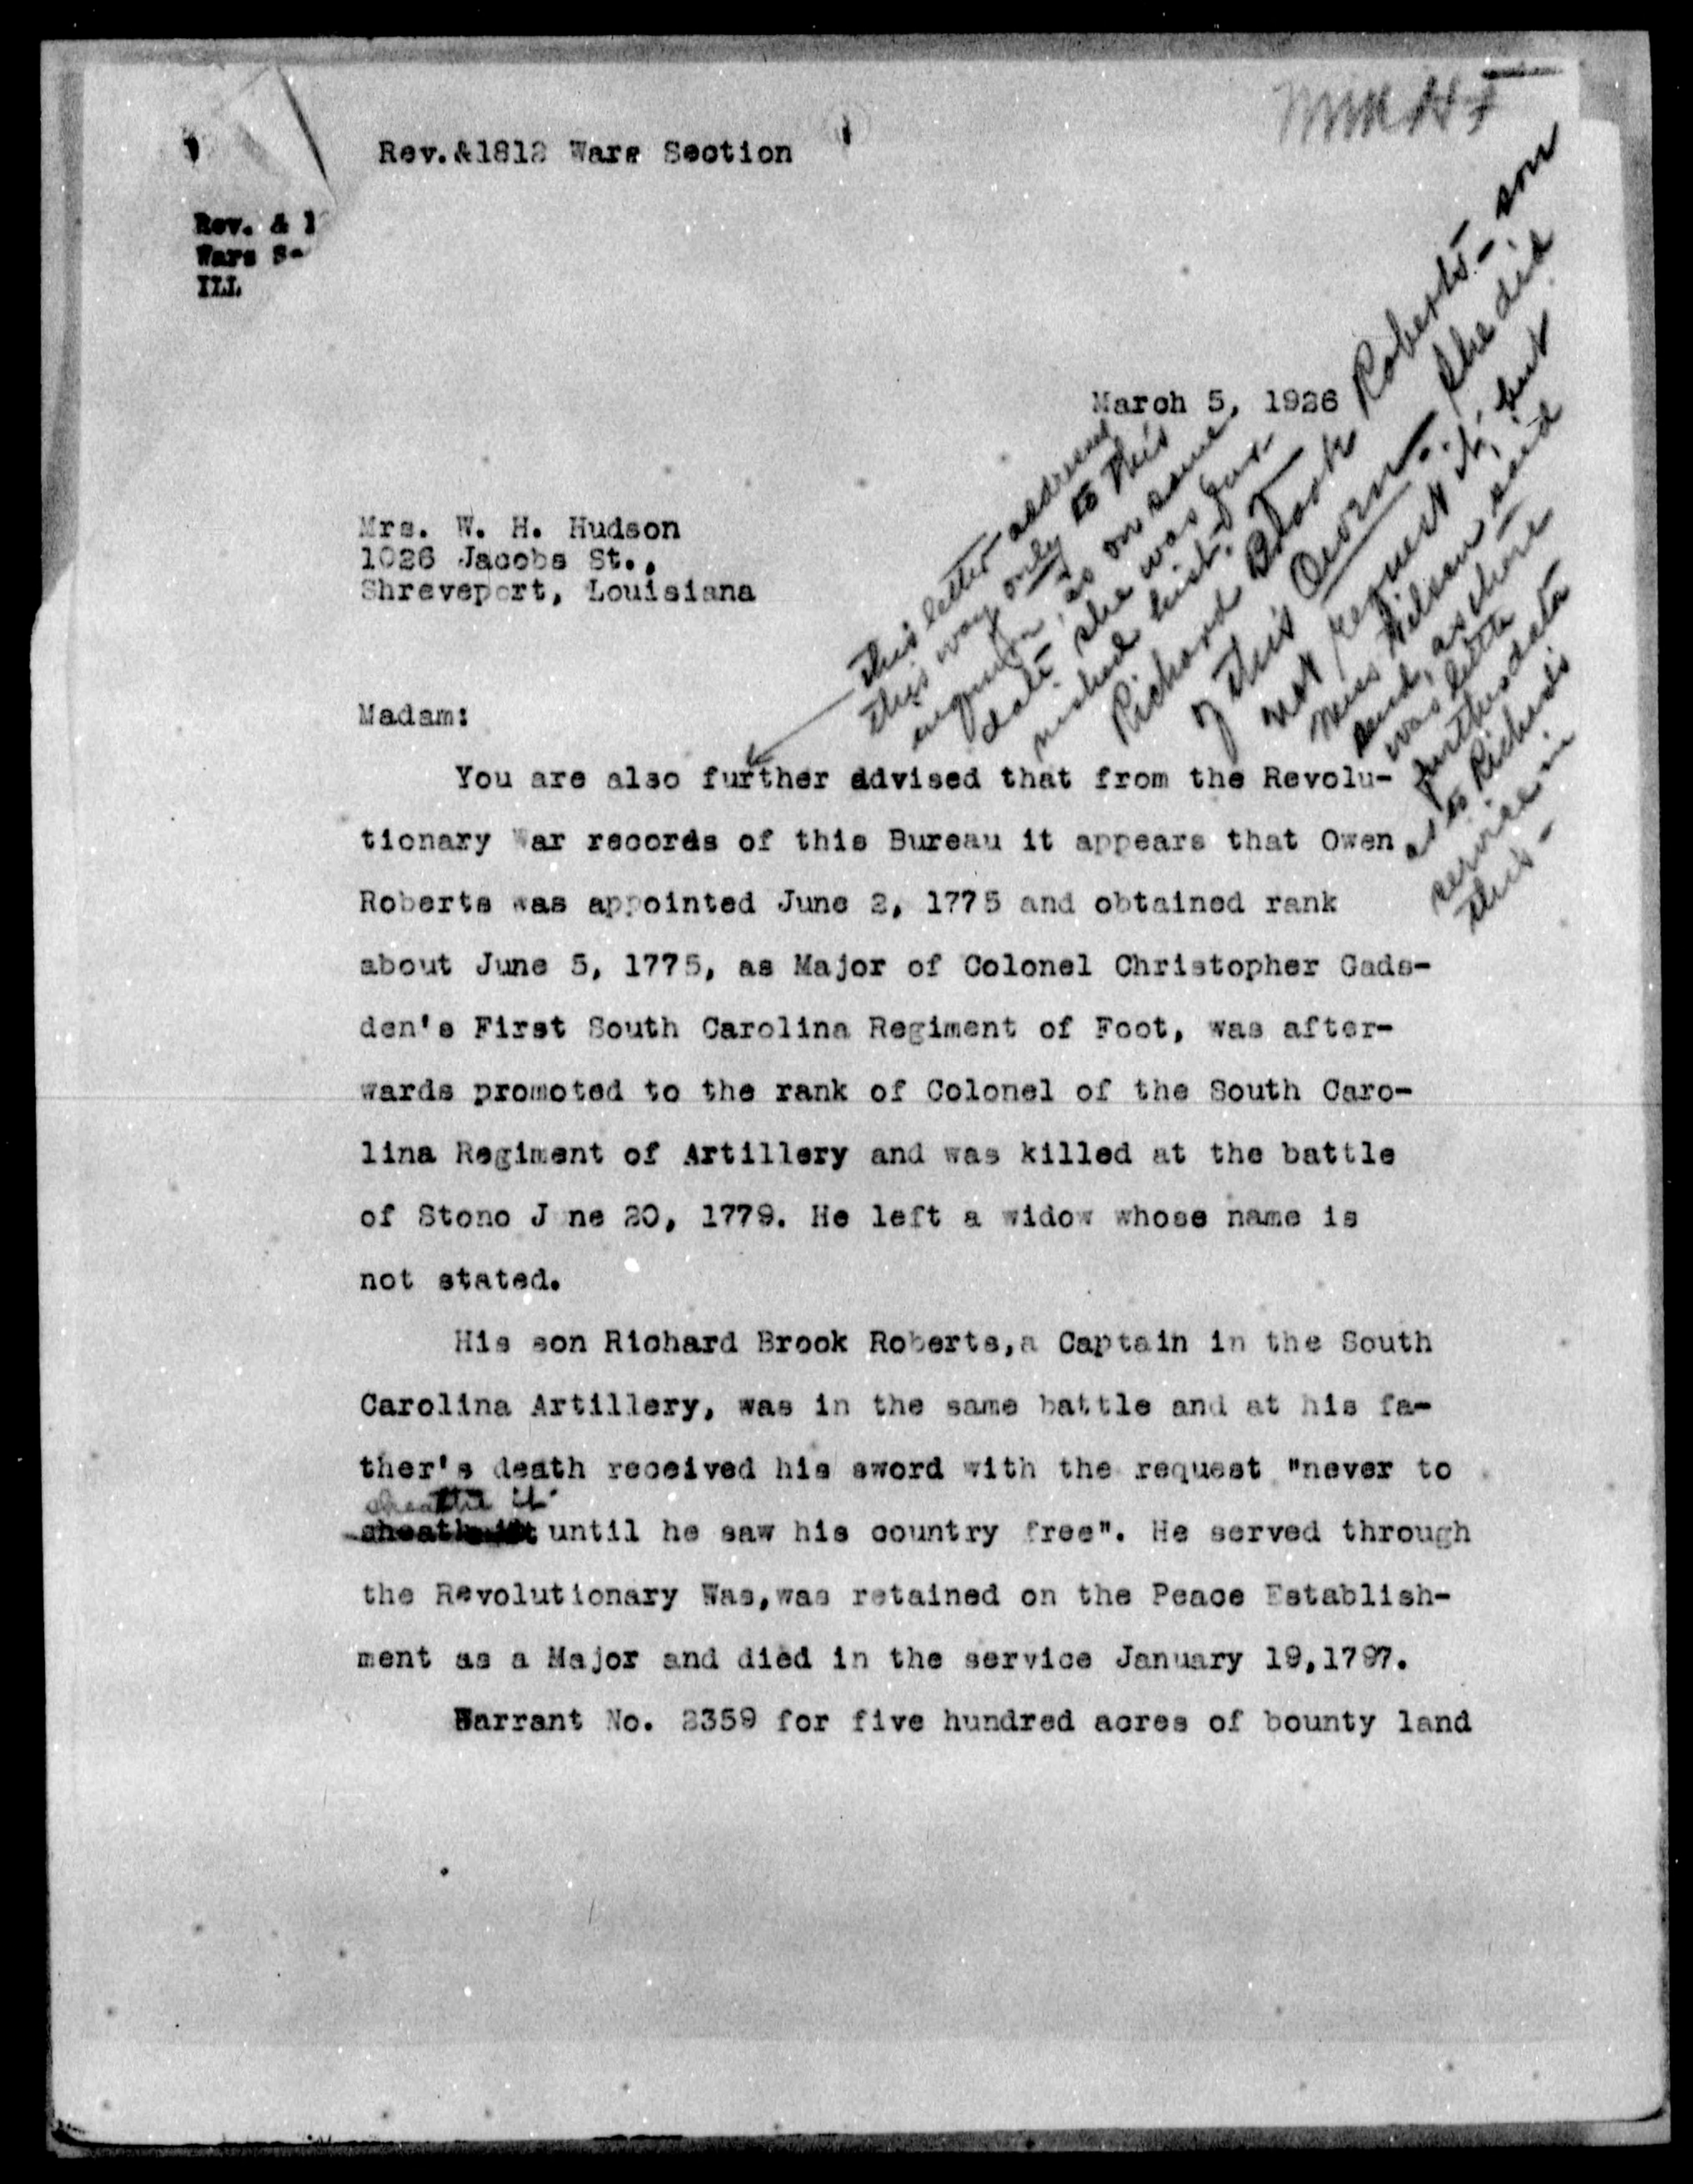Rev. & 1812 Wars Section


March 5, 1926

Mrs. W. H. Hudson
1026 Jacobs St.,
Shreveport, Louisiana

Madam:

You are also further advised that from the Revolutionary
War records of this Bureau it appears that Owen 
Roberts was appointed June 2, 1775 and obtained rank
about June 5, 1775, as Major of Colonel Christopher Gadsden's 
First South Carolina Regiment of Foot, was afterwards
promoted to the rank of Colonel of the South 
Carolina Regiment of Artillery and was killed at the battle
of Stono June 20, 1779.  He left a widow whose name is 
not stated.

His son Richard Brook Roberts, a Captain in the South 
Carolina Artillery, was in the same battle and at his 
father's death received his sworn with the request "never to 
sheathe it until he saw his country free".  He served through
the Revolutionary War, was retained on the Peace Establishment
as a Major and died in the service January 19, 1797.

Warrant No. 2359 for five hundred acres of bounty land

[handwritten note pointing to the first line that says]
this letter addressed this way only to this
inquiry, as on same date she was furnished list.
Richard Brook Roberts son of this Owen.  She 
did not request it but Miss Wilson said such as there was little further data as to Richard's service in this.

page: 13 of 59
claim: bounty land warrant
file: B.L.Wt. 2359-500, for Owen Roberts, South Carolina